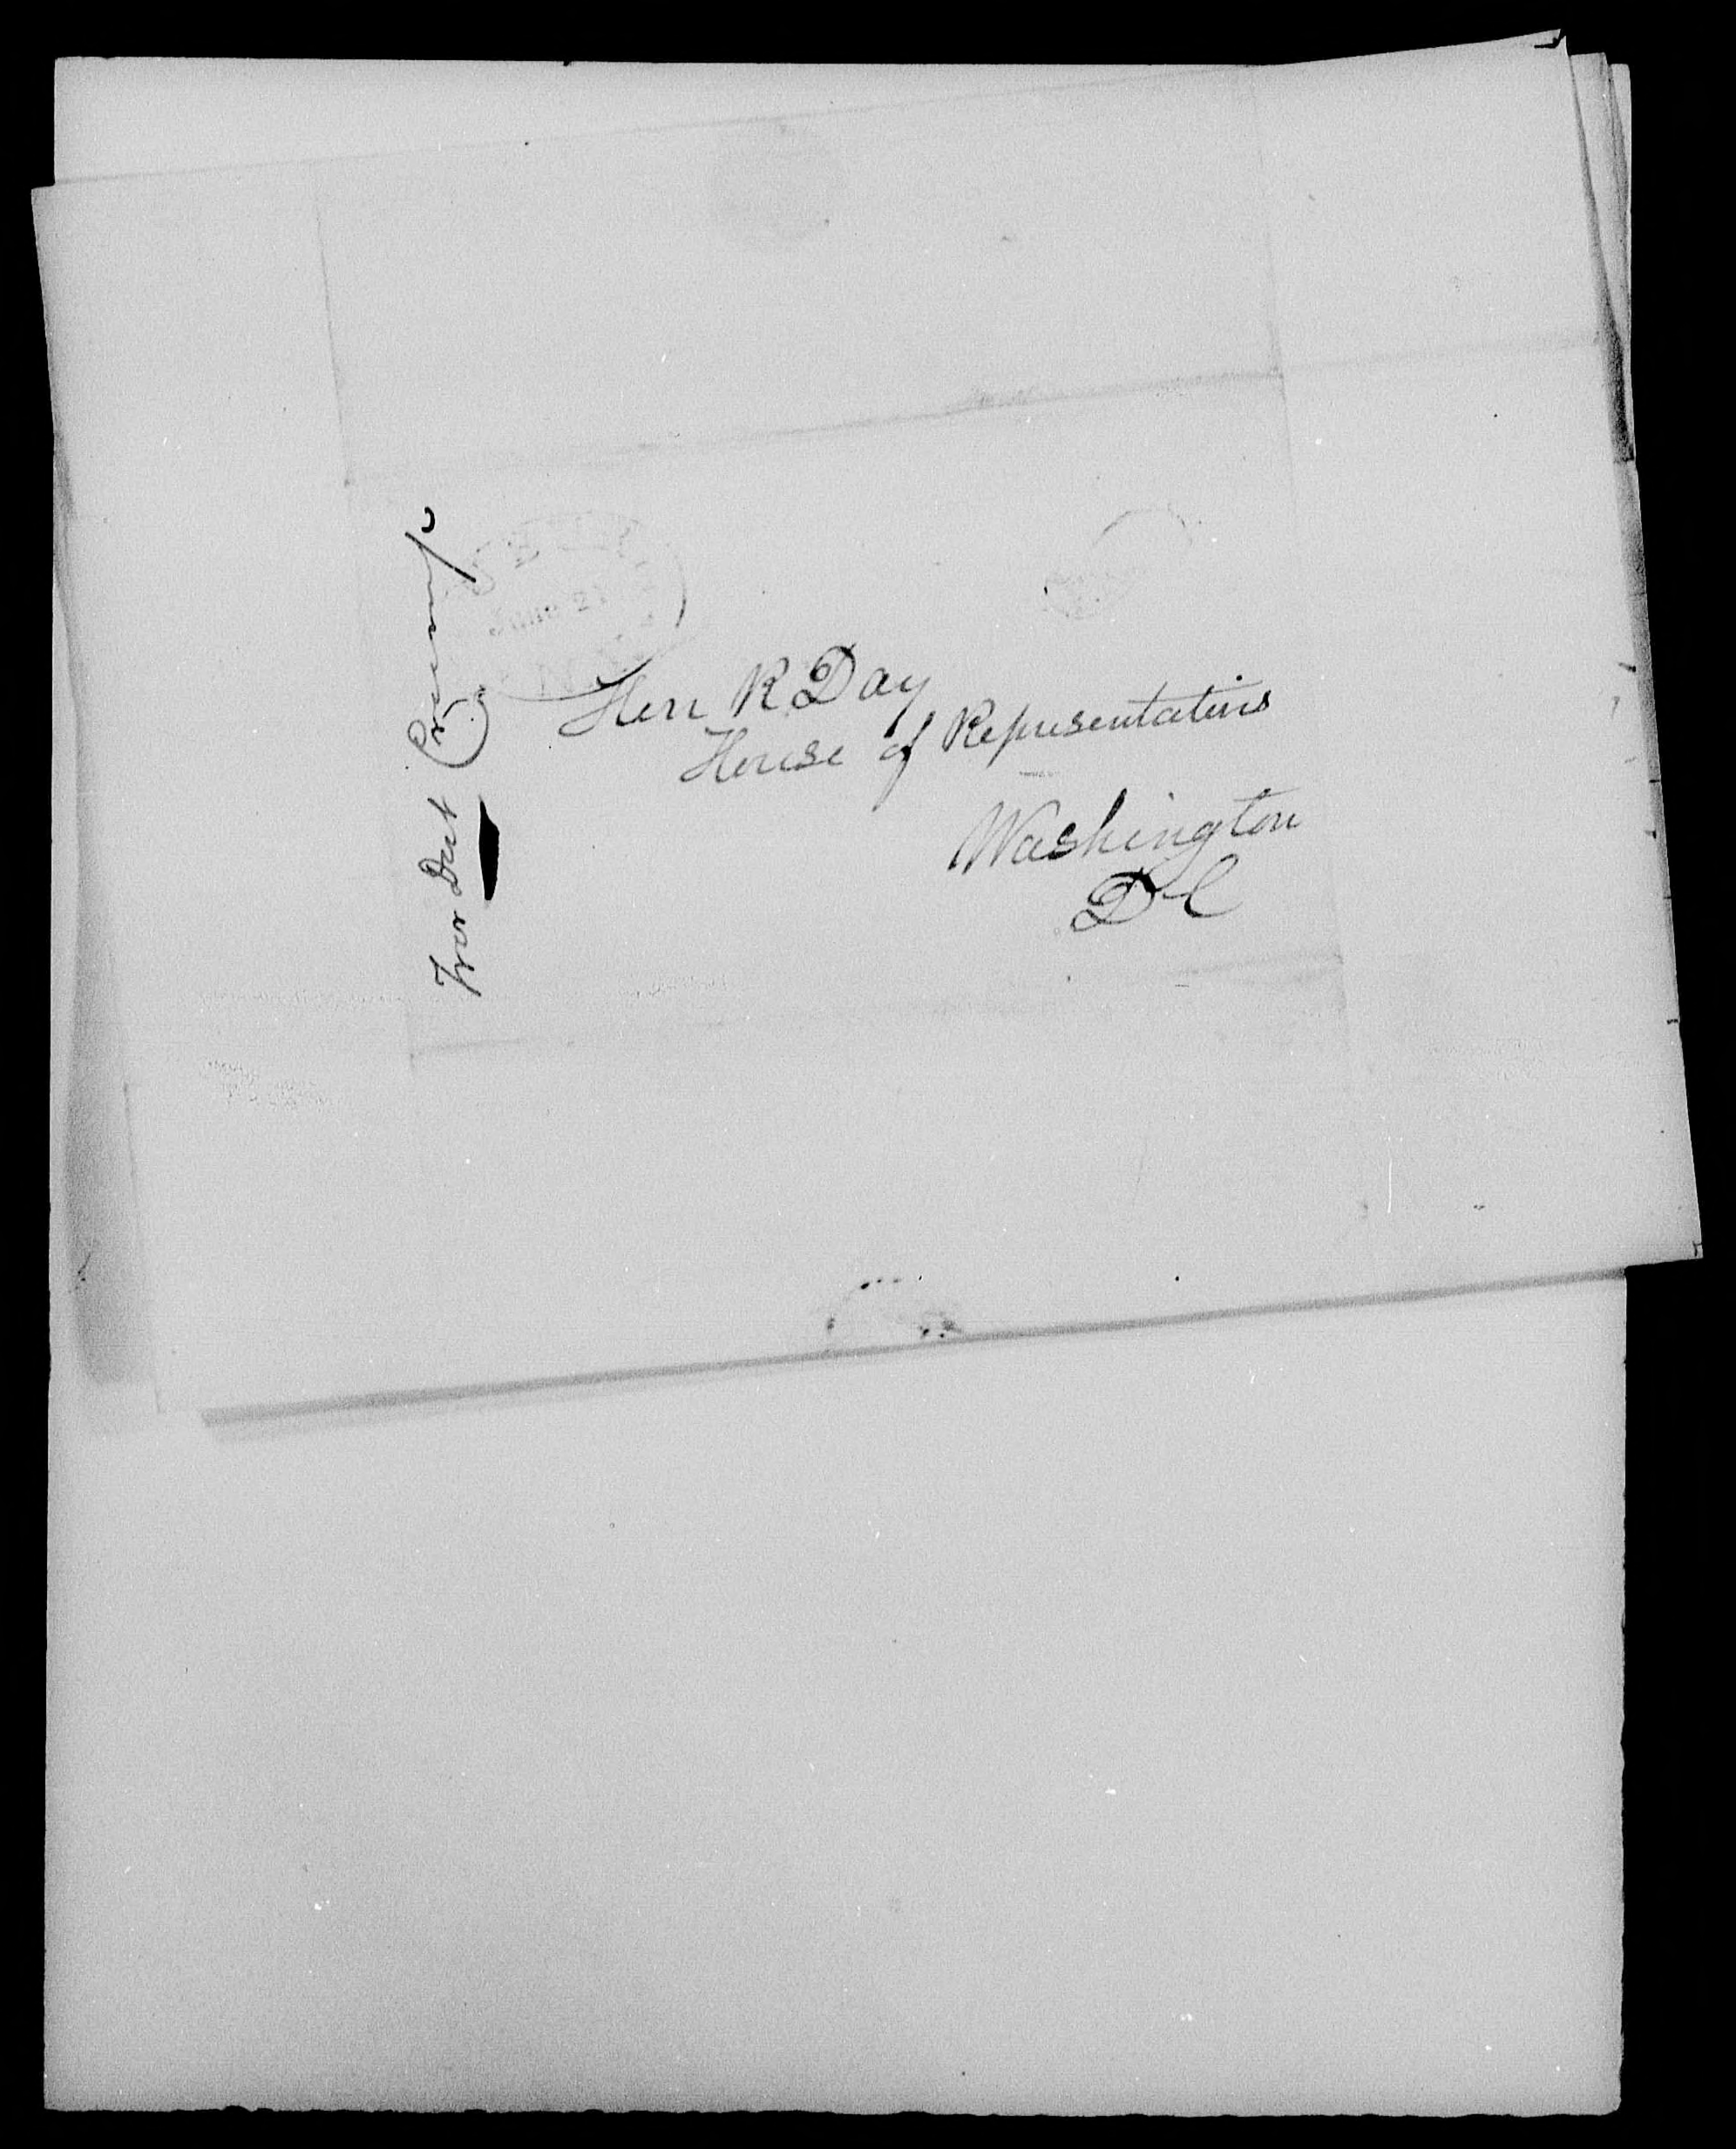Hon R. Day
House of Representations
Washington
DC
From Dept. Commerce
[oval stamp: unclear outer edge text.  Inside text "June 21"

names: R Day, Crump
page: 17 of 35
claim: survivor's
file: S. 28727, Abraham Finch, Conn.